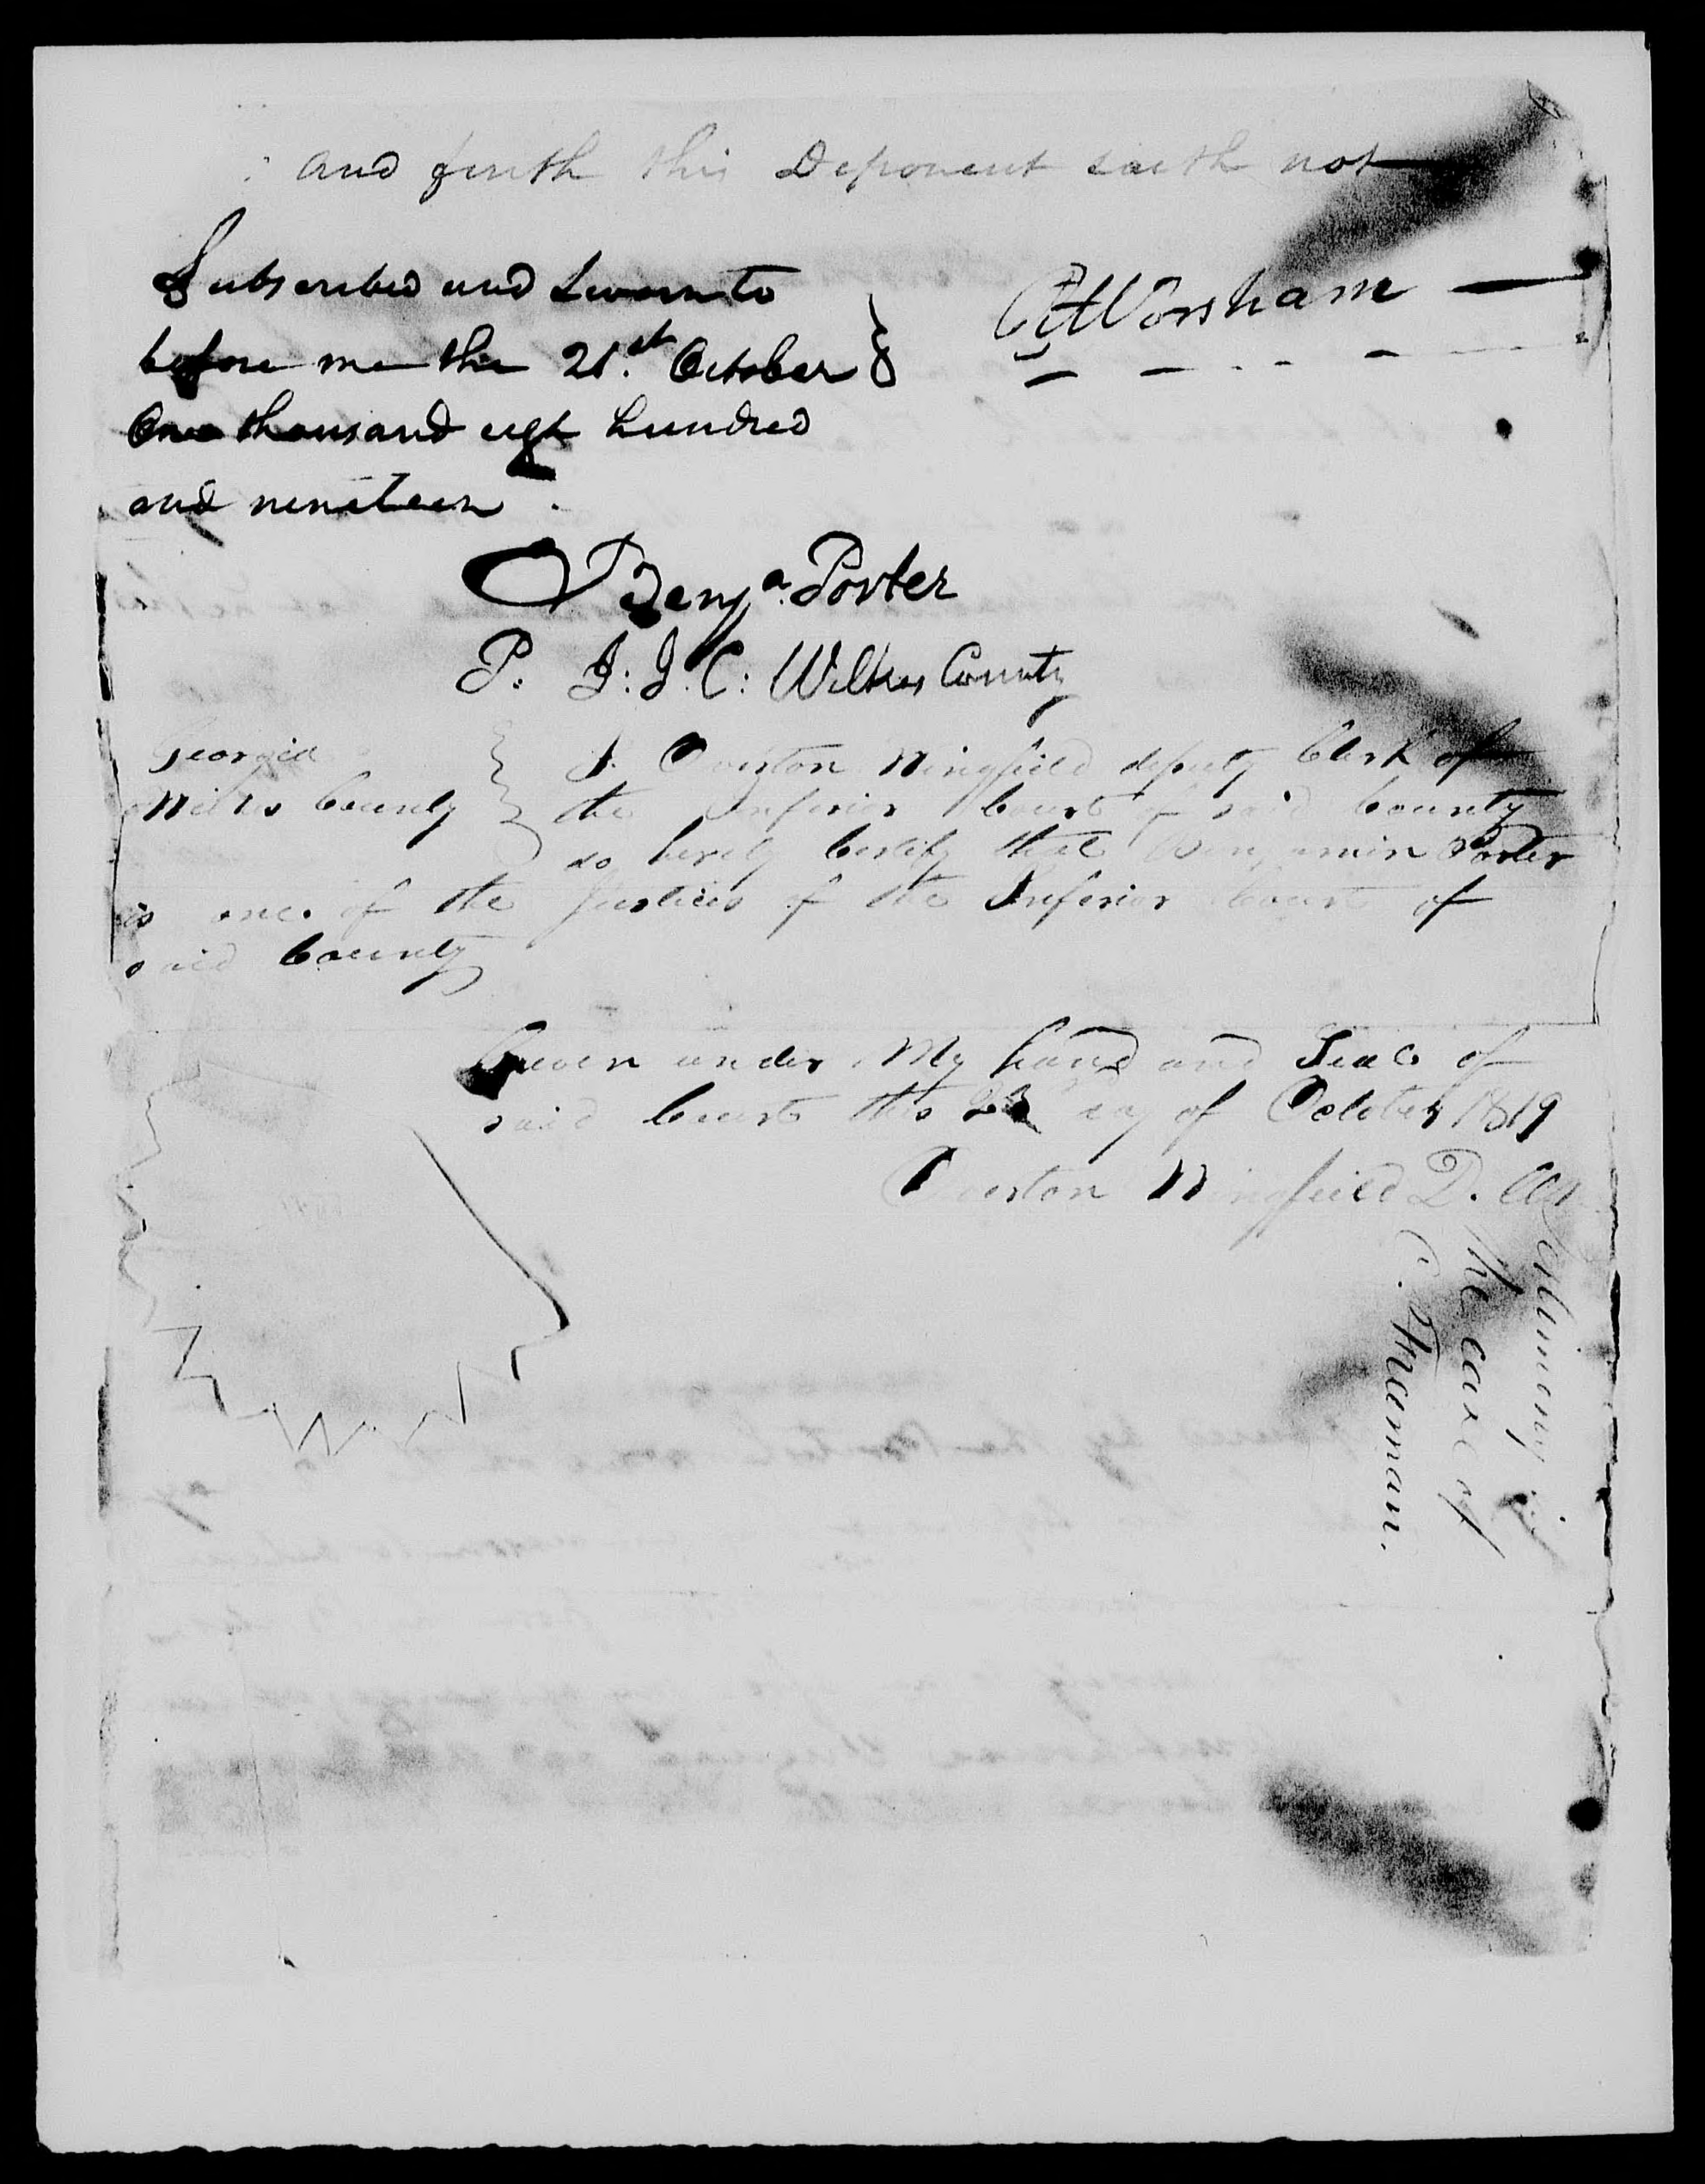and furth this Deponent saith not

R Worsham

Subscribed and [illegible] before me the 21st October One thousand eight hundred and nineteen.

Benja.  Porter
P. J: J. C: Wilkes County

Georgia
Wilkes County

I Overton Wingfield deputy Clerk of the Superior Court of said County do hereby certify that Benjamin Porter was one of the justices of the Inferior Court of Wilkes County

Given under my hand and Seal of said Court the 23d day of October 1819

Overton Wingfield D. A. 

Alimony in the case of C. Freeman.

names: Benjamin Porter, R Worsham, Overton Wingfield, C Freeman, Benja Porter, Overton Wingfield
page: 15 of 15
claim: survivor's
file: S. 37,941, Coldrup Freeman, Va.